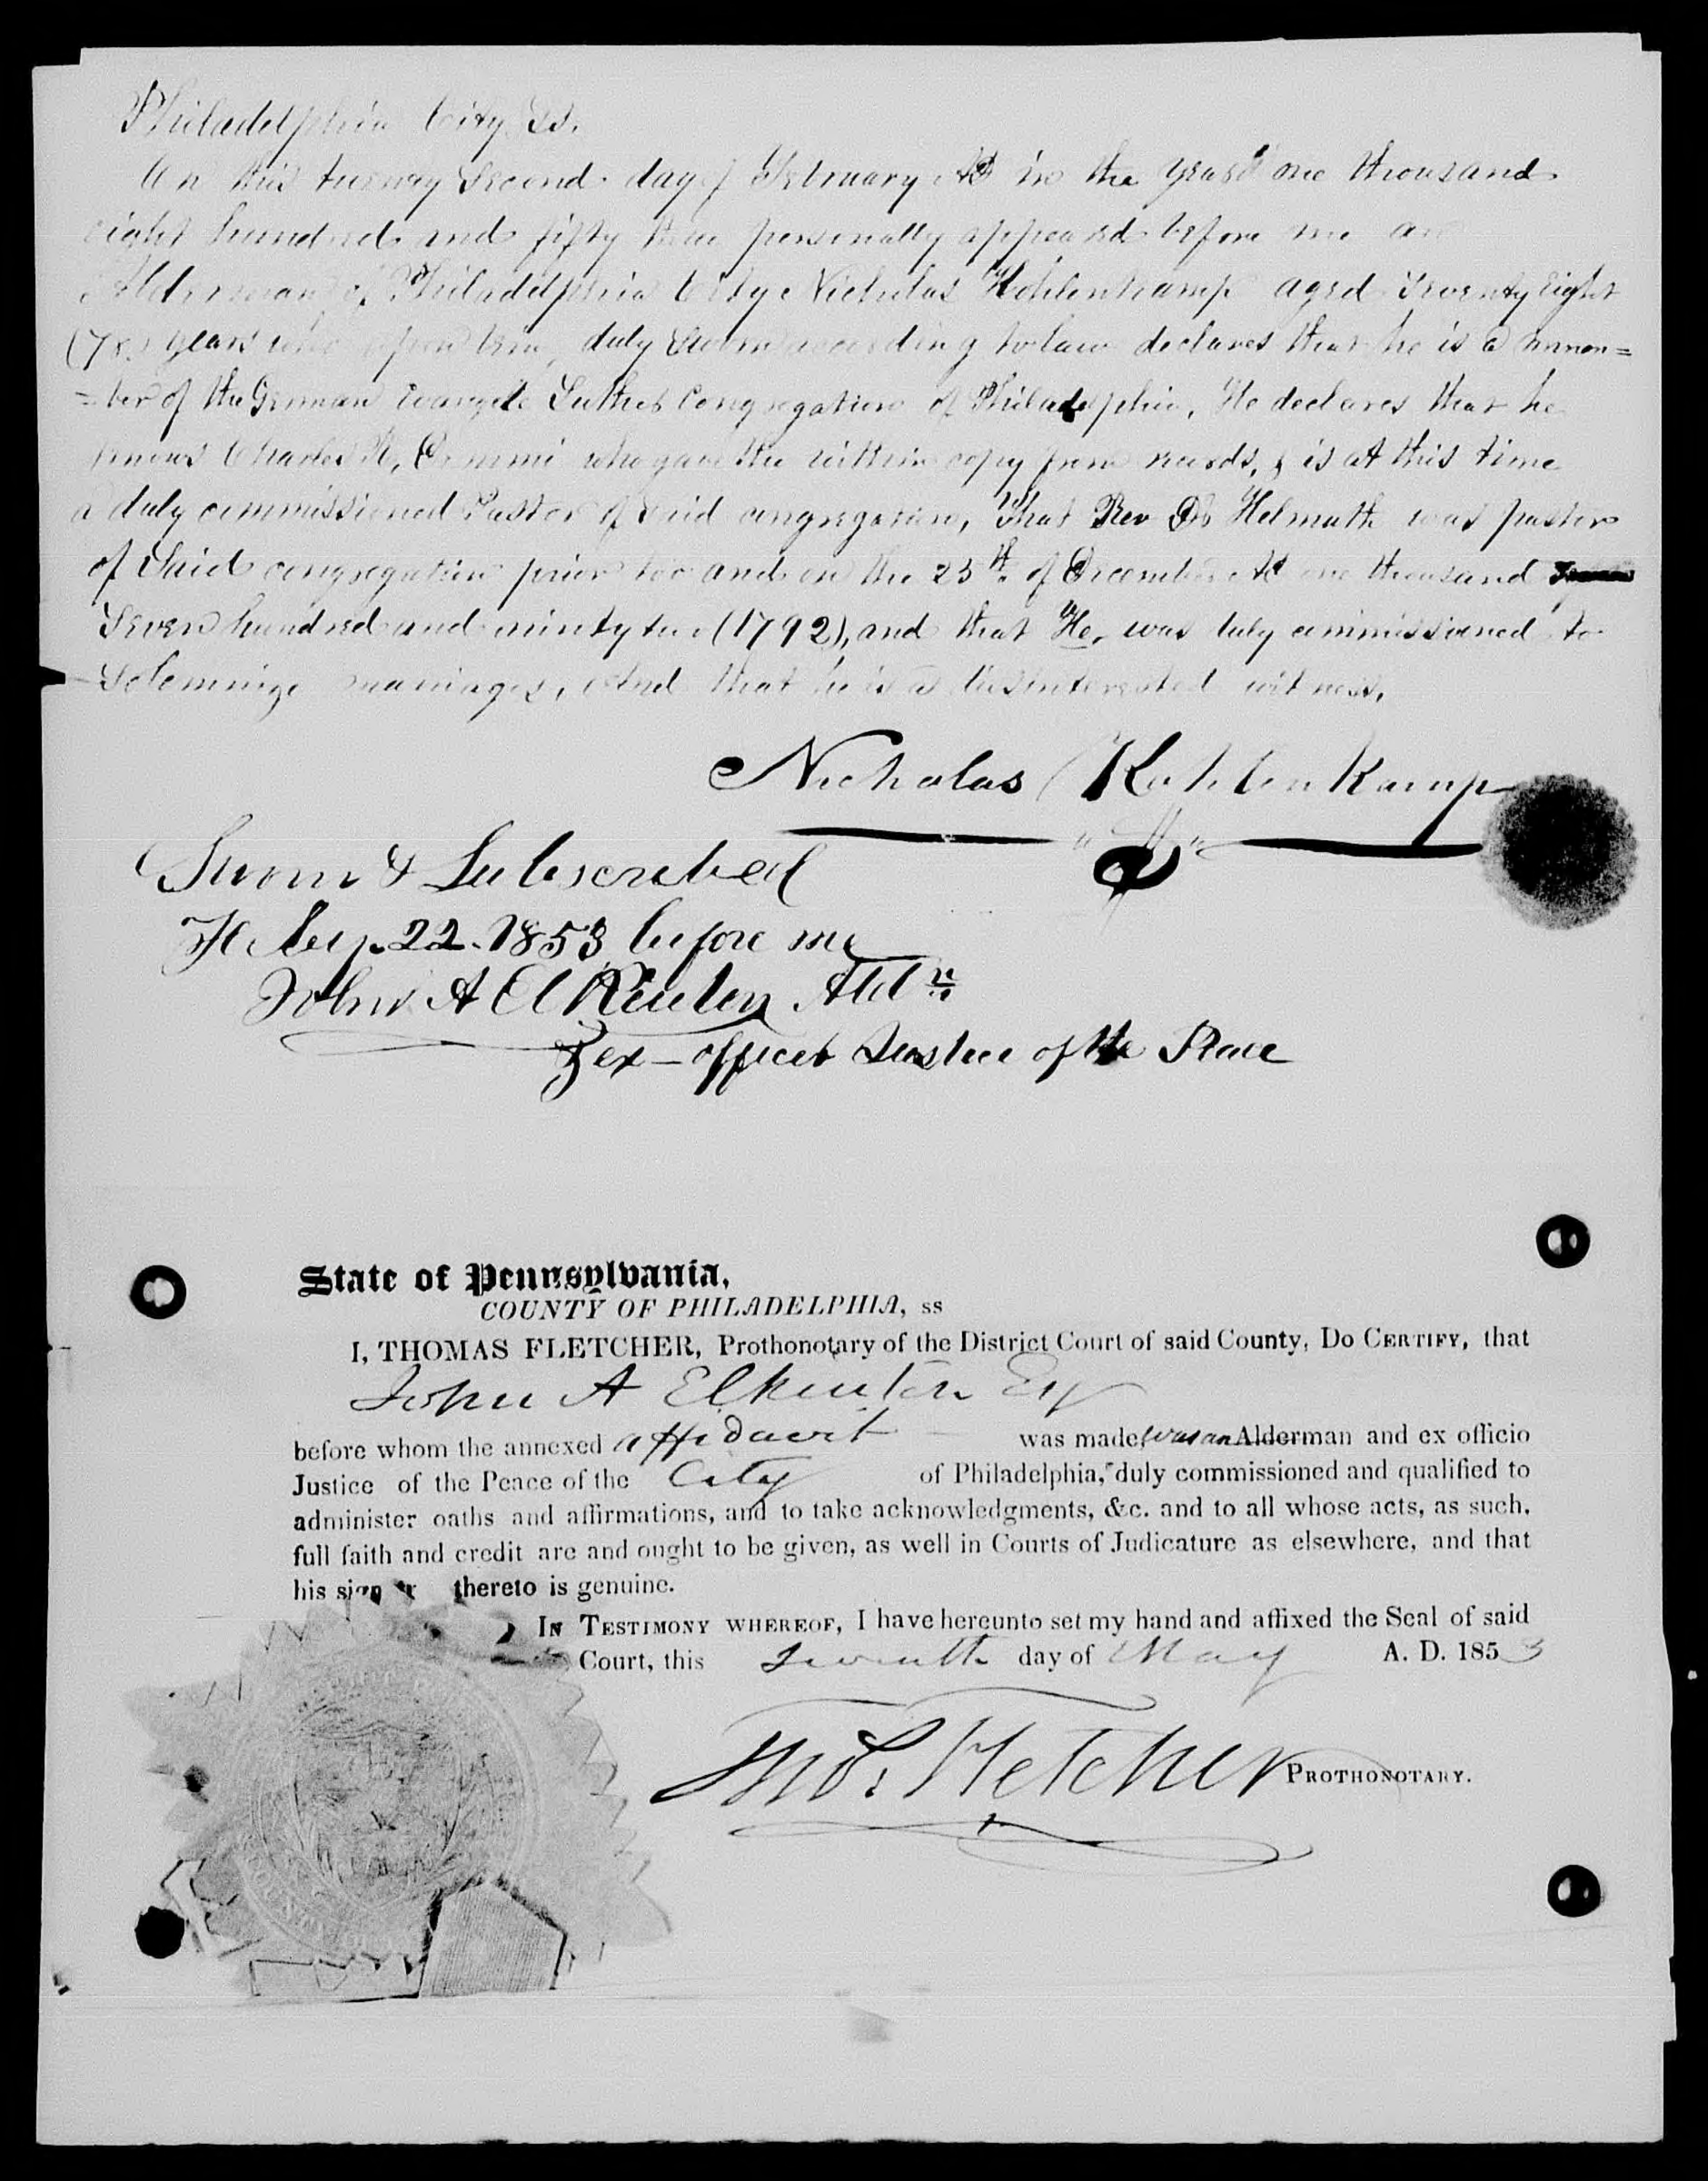Philadelphia City

On this twenty second day of February AD in the year one thousand eight hundred and fifty-three personally appeared before me an Alderman of Philadelphia City Nicholas Kohlenkamp aged seventy-eight (78) years who after being duly sworn according to law declares that he is a member of the German Evangel Luther Congregation of Philadelphia. He declares that he knows Charles R Erasmi who gave the within copy from records & is at this time a duly commissioned paster of said congregation, that Rev D Helmuth was pastor of said congregation prior him and on the 23rd of December AD one thousand seven hundred and ninety-two (1792) and that and that he was duly commissioned to solemnize marriages and that he is a distinguished witness.

Nicholas Kohlenkamp 

Sworn and subscribed Feby 22, 1853 before me
John A Elkinton - Adlerman
ex-officio Justice of the Peace

State of Pennsylvania
County of Philadelphia

I, Thomas Fletcher, Prothonotary of the District Court of said Couty, do certify that John A Elkinton Esq before whom the annexed affidavit was mad was an alderman and ex officio Justice of the Peace of the city of Philadelphia duly commissioned and qualified to administer oaths and affirmations and to take acknowledgements etc. and to all whose acts as such full faith and credit are and ought to be given as well in Courts of Judicature as elsewhere and that his signing thereto is genuine.

In testimony whereof I have hereunto set my hand and affixed the seal of said court this seventh day of May AD 1853.

Thos. Fletcher - Prothonotary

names: Nicholas Kohlenkamp, Nicholas Kohlenkamp, Thomas Fletcher, John A Elkinton, John A Elkinton, D Helmuth, Charles R Erasmi, Thos Fletcher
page: 21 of 74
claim: widow's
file: W. 9422, James Edgar, Penn.